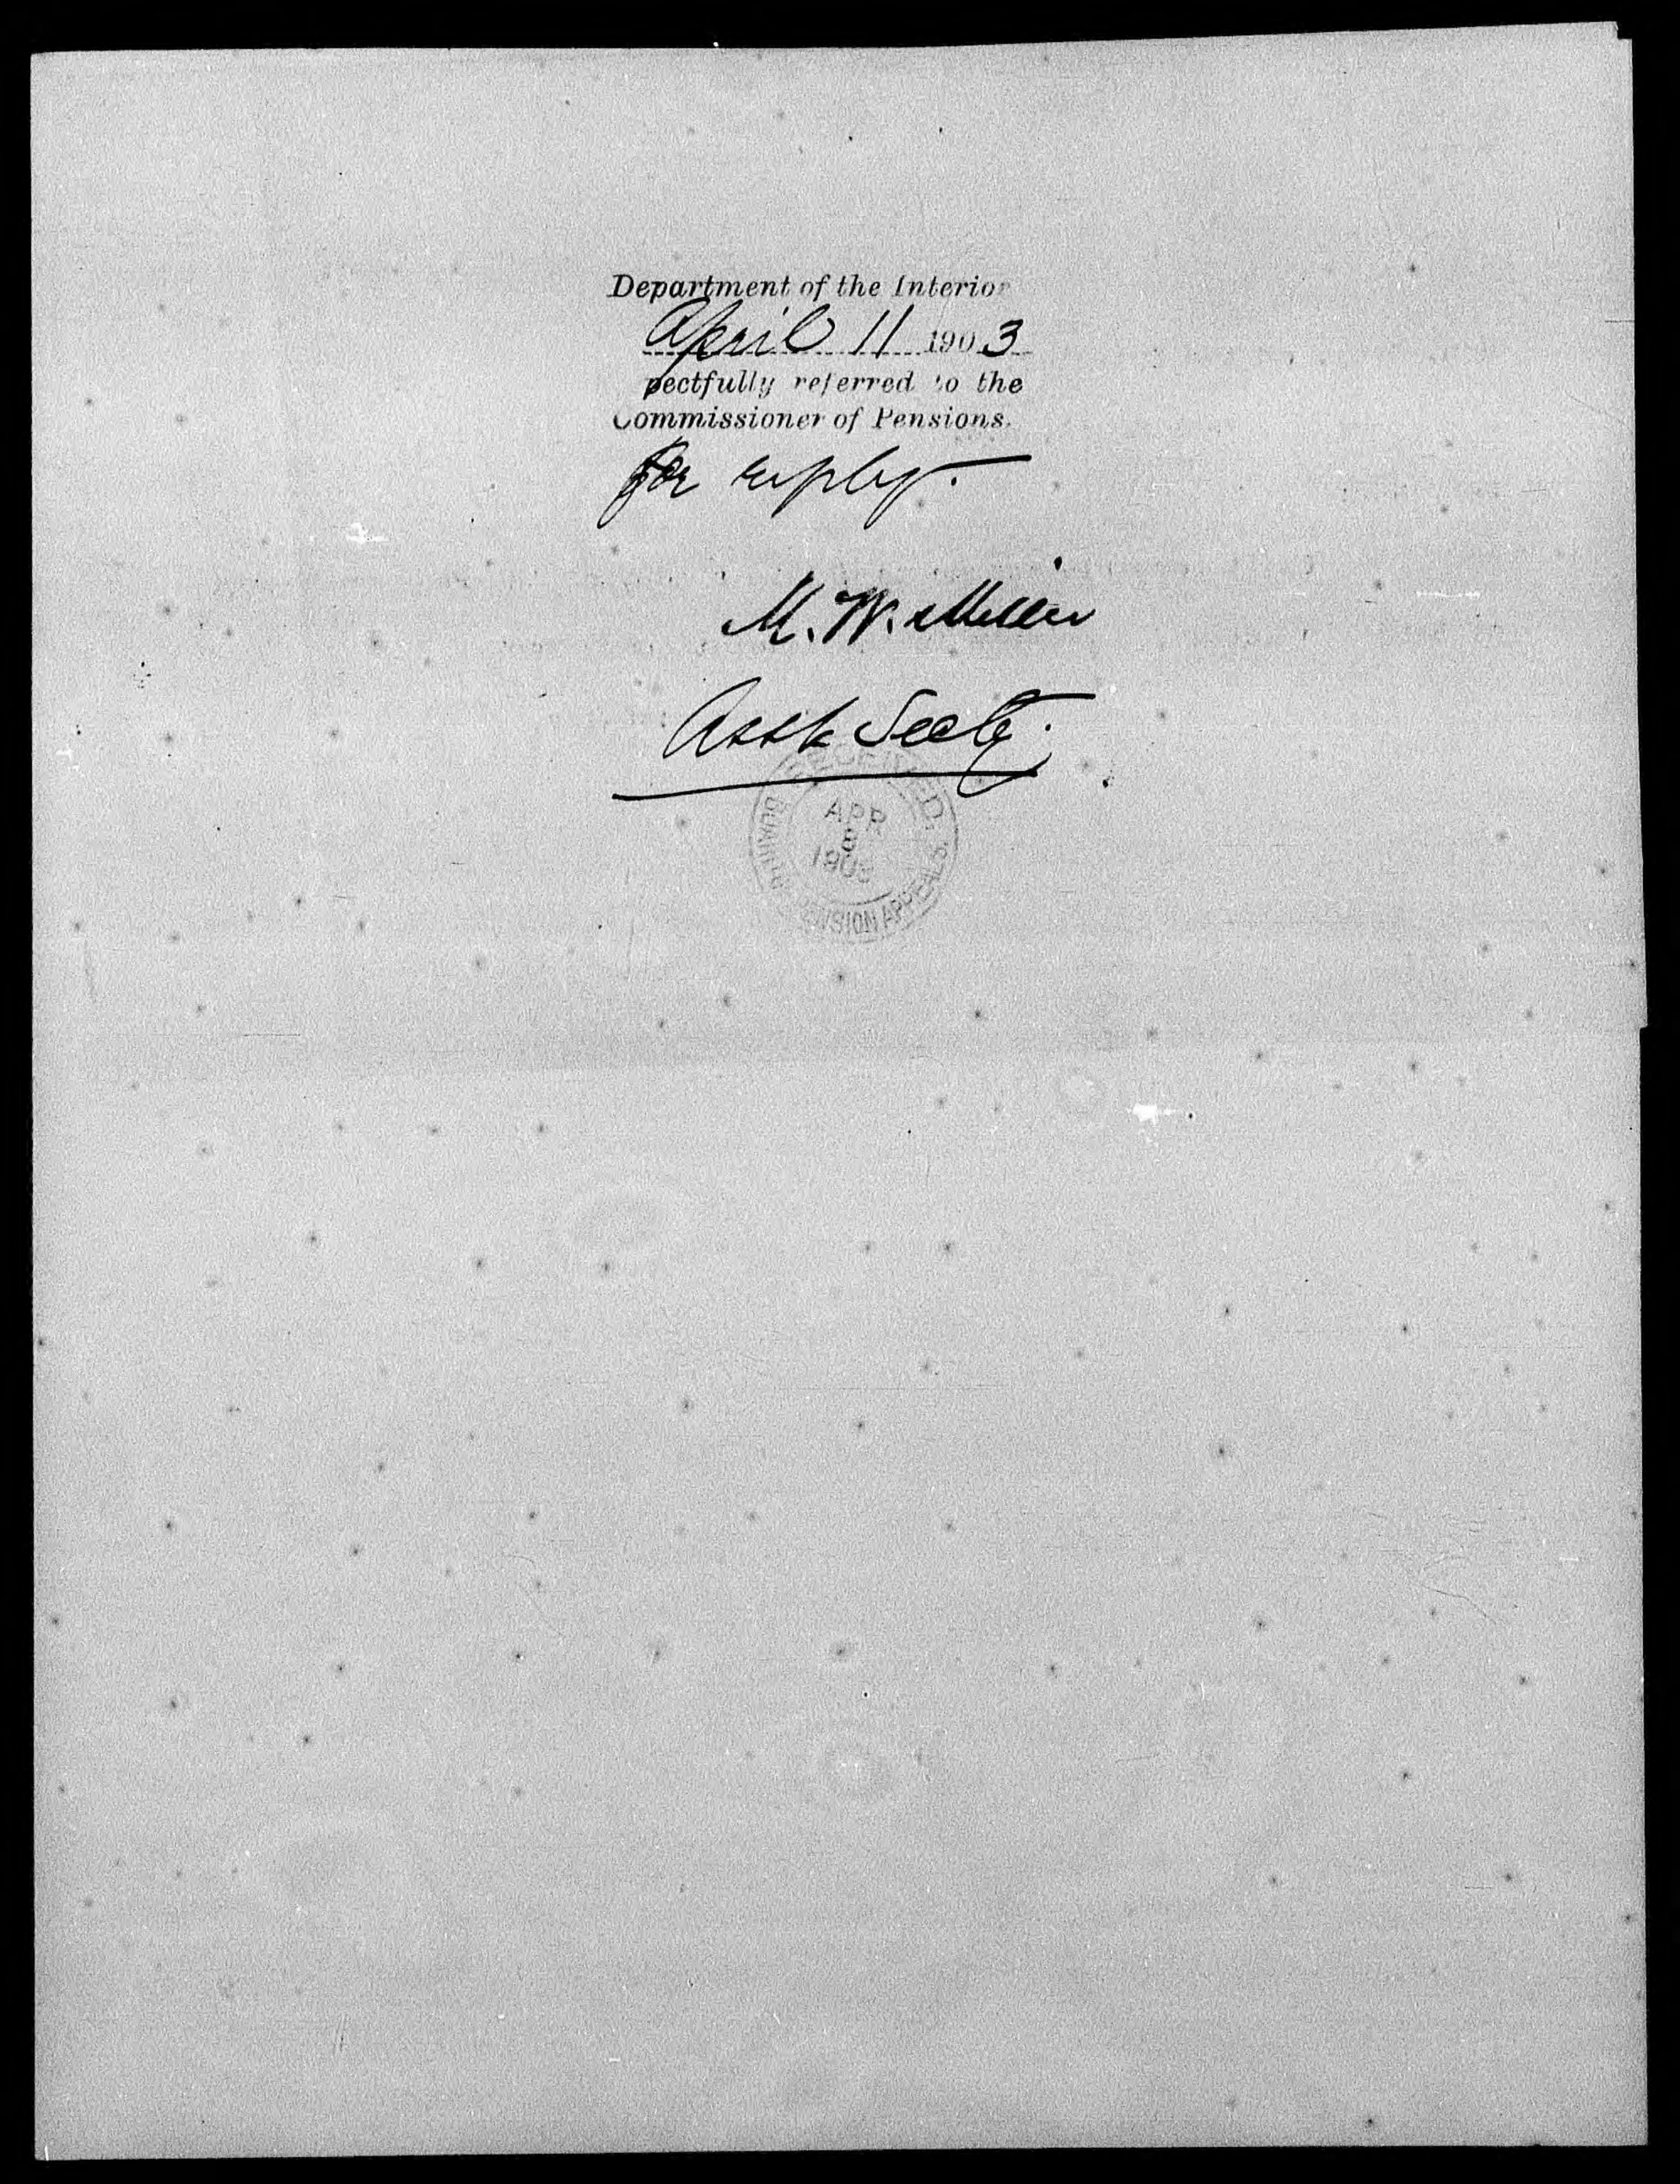Department of the Interior
April 11 1903
Respectfully referred to the Commissioner of Pensions
M. W. Miller
Asst Secty
[stamp] RECEIVED APR 8 1903 BOARD OF PENSION APPEALS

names: M W Miller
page: 19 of 21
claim: survivor's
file: S. 36676, for Benjamin Kelsey, Connecticut